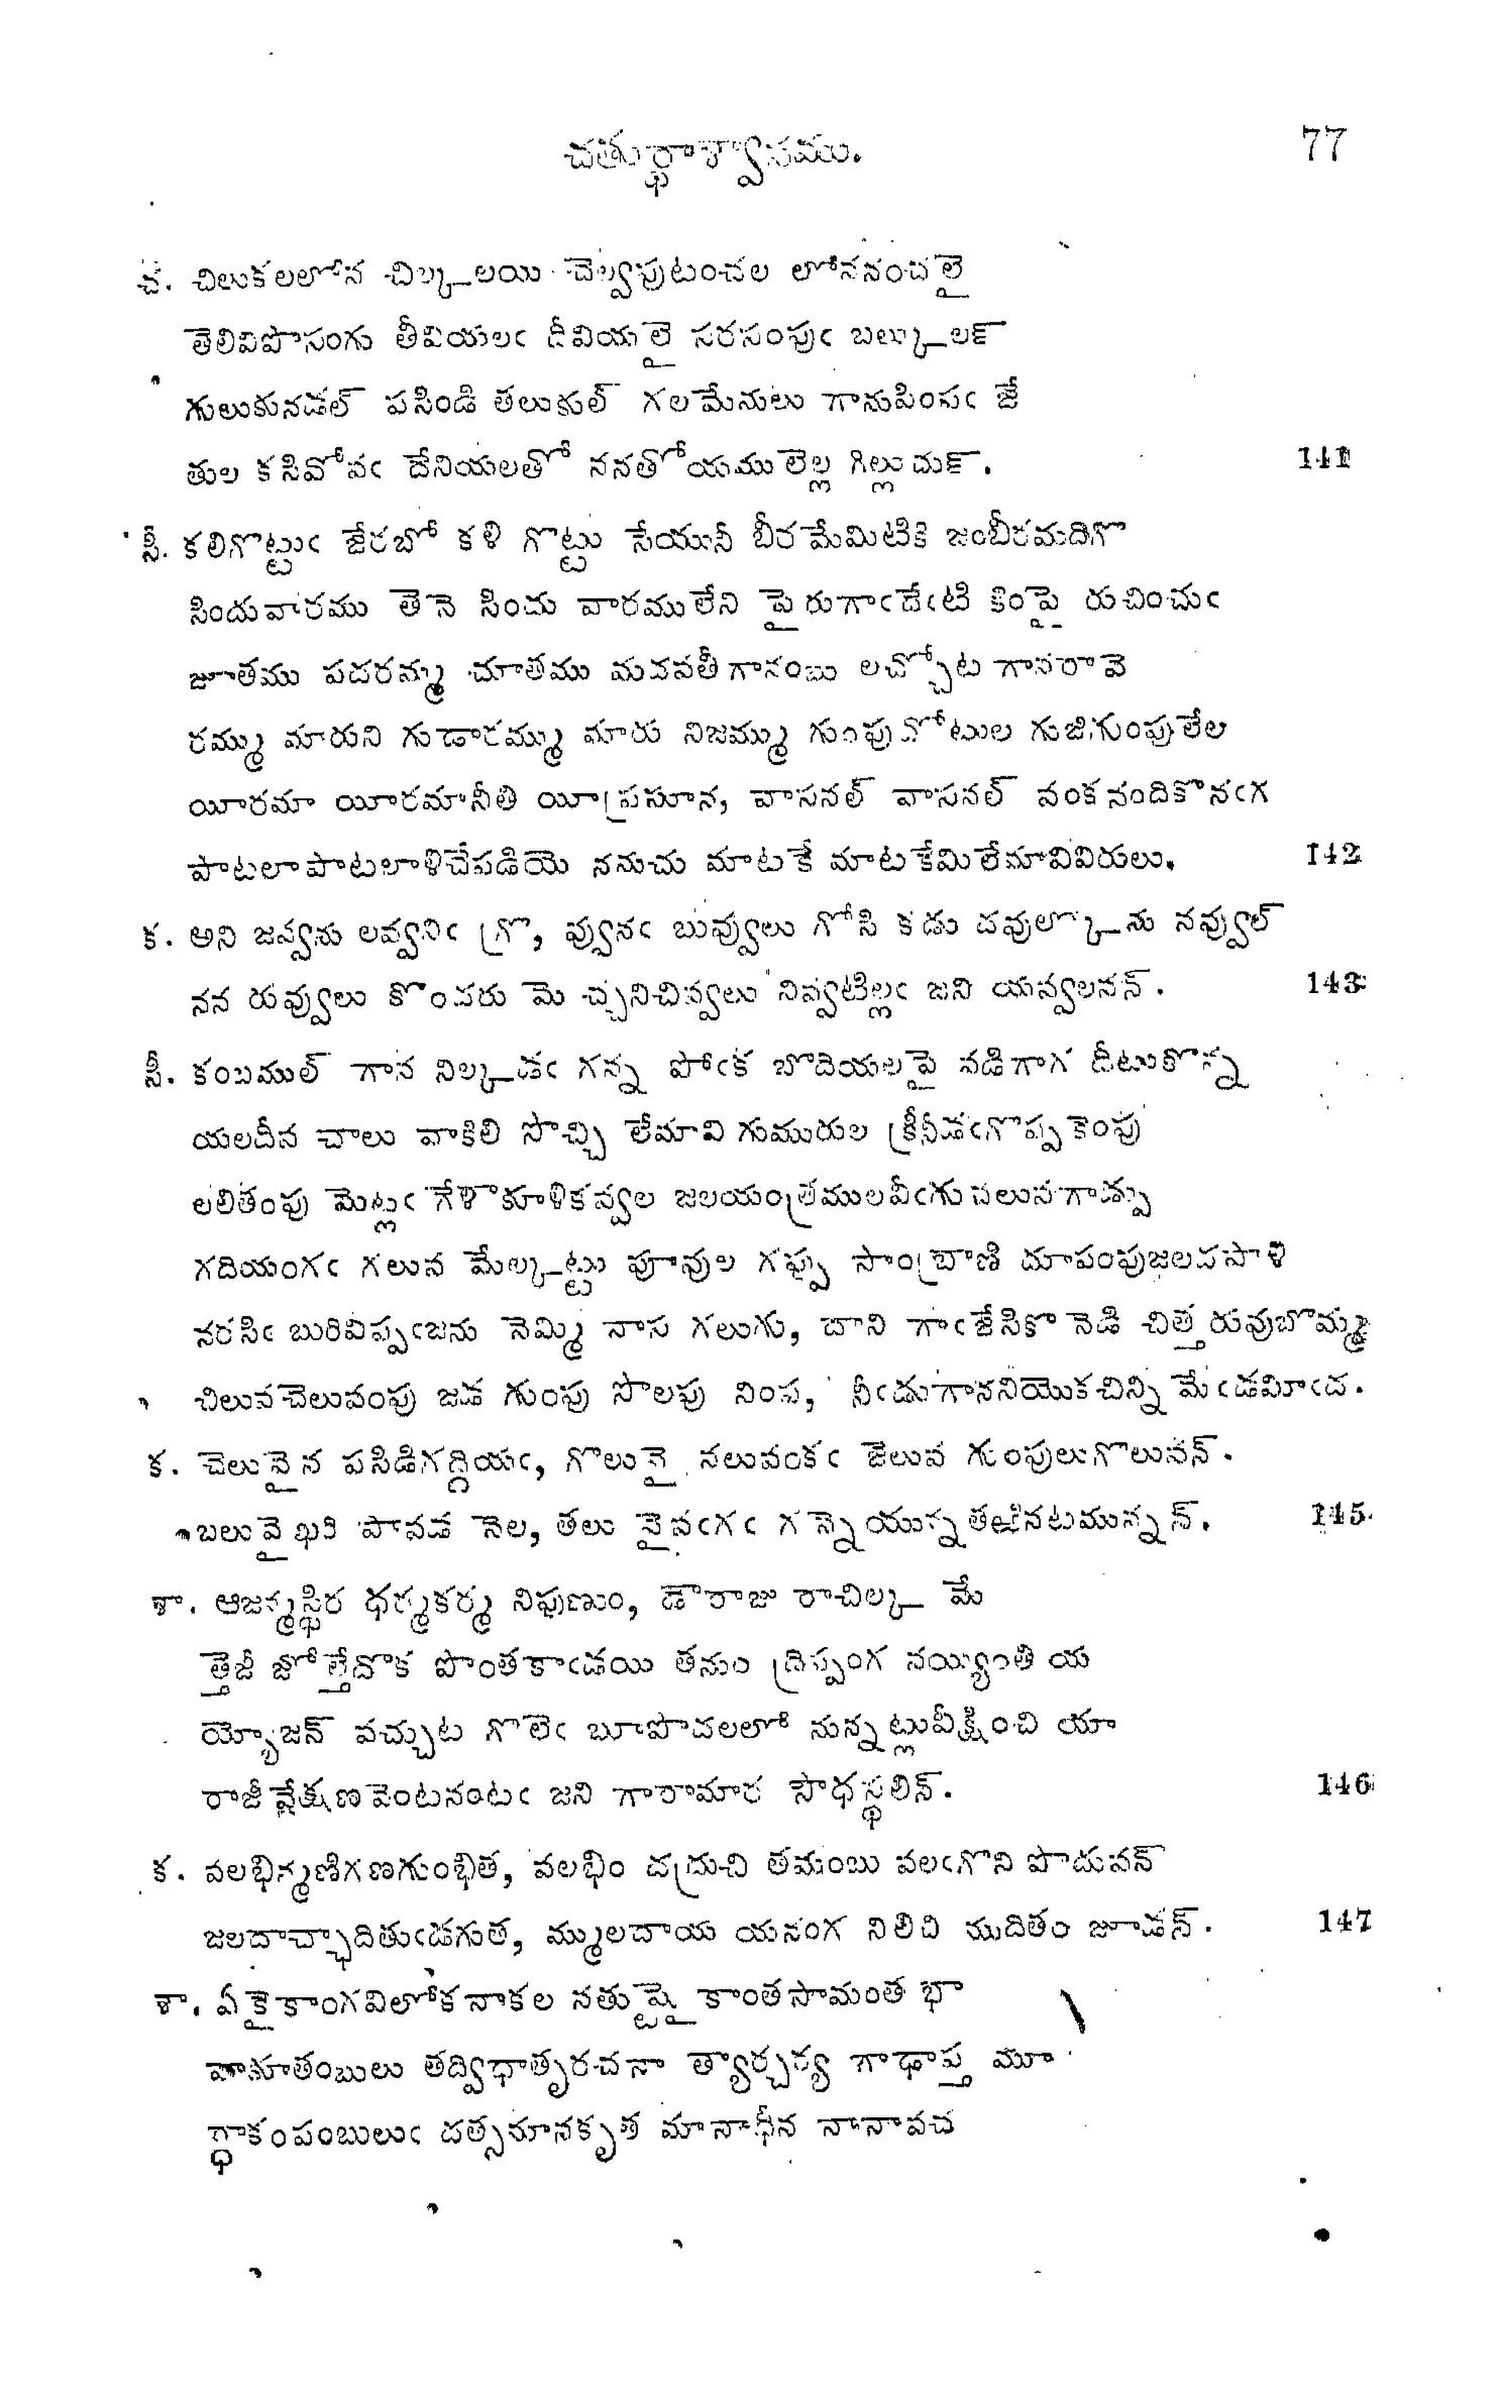చ. చిలుకలలోన చిల్కలయి చెల్వపుటంచలలోన నంచలై
తెలివి పొసంగు తీవియలఁ దీవియలై సరసంపుఁ బల్కులన్
గులుకునడల్ పసిండితలుకుల్ గల మేనులు గానుపింపఁ జే
తుల కసివోవఁ దేనియలతో ననతోయములెల్ల గిల్లుచున్.
సీ. కలిగొట్టుఁ జేరబో కళి గొట్టు సేయు నీ బీర మేమిటికి జంబీర మదిగొ
సిందువారము తెనె సిందు వారము లేని పైరుగాఁదేఁటి కింపై రుచించుఁ
జూతము పదరమ్మ చూతము మదవతీగానంబు లచ్చోట గానరావె
రమ్ము మారుని గుడారమ్ము మారు నిజమ్ము గుంపుచోటుల గుజిగుంపు లేల
యీరమా యీరమానీతి యీప్రసూన, వాసనల్ వాసనల్ వంక నందికొనఁగ
పాటలాపాటలాళిచే పడియె ననుచు మాటకే మాట కేమి లేమావివిరులు.
క. అని జవ్వను లవ్వనిఁ గ్రొ, వ్వునఁ బువ్వులు గోసి కడు చవుల్కొను నవ్వుల్
నన రువ్వులు కొందరు మెచ్చనిచివ్వలు నివ్వటిల్లుఁ జుని యవ్వలనన్.
సీ. కంబముల్ గాన నిల్కడఁ గన్న పోఁకబోదియలపై వడిగాగ దీటుకొన్న
యలదీవ చాలు వాకిలి సొచ్చి లేమావిగుమురుల క్రీనీడఁ గొప్పకెంపు
లలితంపు మెట్లఁ గేళాకూళికవ్వల జలయంత్రముల వీఁగు చలువగాడ్పు
గదియంగఁ గలువ మేల్కట్టు పూవుల గప్పు సాంబ్రాణి దూపంపుజలదపాళి
నరసిఁ బురివిప్పఁ జను నెమ్మి నాస గలుగు, దాని గాఁ జేసికొనెడి చిత్తరువుబొమ్మ
చిలువచెలువంపు జడగుంపు సొలపు నింప, నీఁడు గానని యొకచిన్నిమేఁడమీఁద.
క. చెలువైన పసిడిగద్దియఁ, గొలువై నలువంకఁ జెలువగుంపులు గొలువన్
బలువైఖరి పావడ నెల, తలు వైవఁగఁ గన్నెయున్నతఱి నటమున్నన్.
శా. ఆజన్మస్థిరధర్మకర్మనిపుణుం డౌరాజు రాచిల్క మే
త్తేజీ జో ల్తేదొక పొంత కాఁడయి తనుం ద్రిప్పంగ నయ్యింతి య
య్యోజన్ వచ్చుట గొలెఁ బూపొదలలో నున్నట్లు వీక్షించి యా
రాజీవేరేక్షణ వెంటనంటఁ జని గారామారసౌధస్థలిన్.
క. వలభిన్మణిగణగుంభిత, వలభిం దద్రుచి తమంబు వలఁగొని పొదువన్
జలదాచ్ఛాదితుఁడగుత, మ్ములదాయ య యనంగ నిలిచి ముదితం జూడన్.
శా. ఏకై కాంగవిలోకనాకలనతుష్టైకాంతసామంతభా
వాకూతంబులు తద్విధాతృరచనాత్యార్చర్యగాఢాప్తమూ
ర్ధాకంపంబులుఁ దత్సమానకృతమానాధీననానావచ